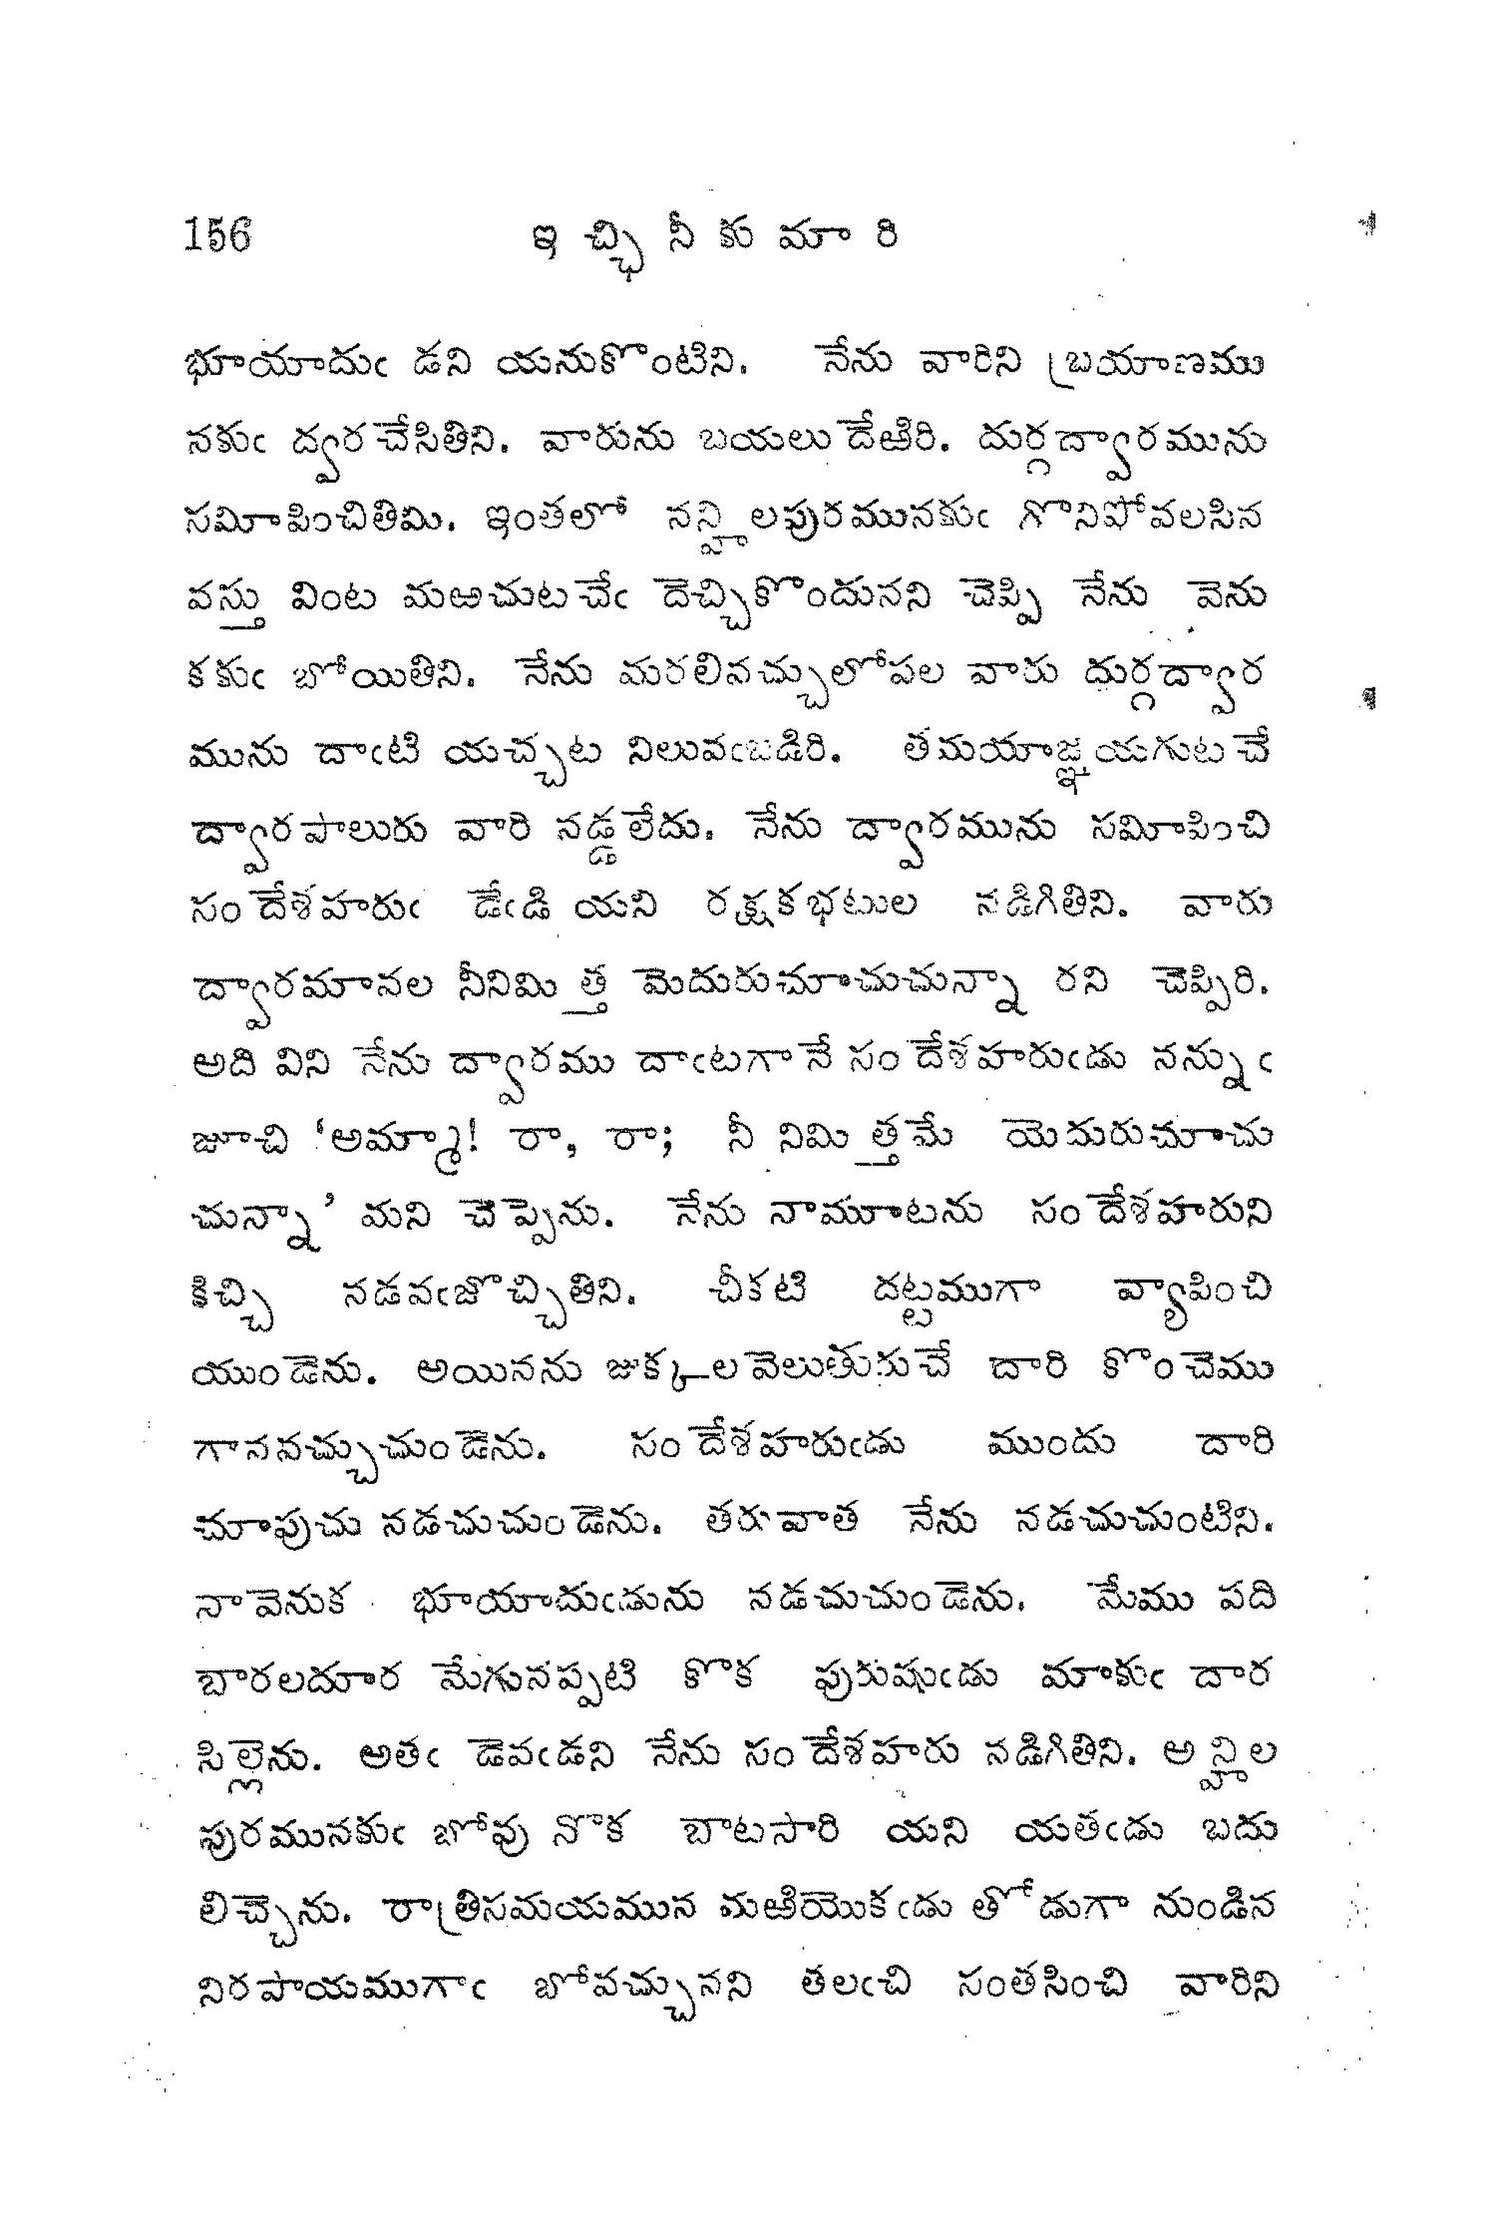భూయాదుఁ డని యనుకొంటిని.
నేను వారిని బ్రయాణము
నకుఁ ద్వర చేసితిని. వారును బయలు దేతీరి. దుర్గ ద్వారమును
సమీపించితిమి. ఇంతలో నన్డిలపురమునకుఁ గొనిపోవలసిన
వస్తు వింట మఱచుట చేఁ దెచ్చికొందునని చెప్పి నేను వెను
కకుఁ బోయితిని. నేను మరలినచ్చులోపల వారు దుర్గ ద్వార
మును దాఁటి యచ్చట నిలువఁబడిరి. తమయాజ్ఞ యగుట చే
ద్వార పాలురు వారి నడ్డ లేదు. నేను ద్వారమును సమీపించి
సం దేశహరుఁ డేఁడి యని రక్షకభటుల నడిగితిని. వారు
ద్వారమావల నీనిమి త్త మెదురుచూచుచున్నా రని చెప్పిరి.
అది విని నేను ద్వారము దాఁటగా నే సం దేశహరుఁడు నన్ను ఁ
జూచి 'అమ్మా! రా, రా; నీ నిమిత్తమే యెదురుచూచు
చున్నా' మని చెప్పెను. నేను నామూటను సం దేశహరుని
కిచ్చి నడవఁజొచ్చితిని. చీకటి దట్టముగా వ్యాపించి
యుండెను. అయినను జుక్కల వెలుతుకు చే దారి కొంచెము
గానవచ్చుచుండెను. సం దేశహరుఁడు ముందు దారి
చూపుచు నడచుచుండెను. తరువాత నేను నడచుచుంటిని.
నా వెనుక . భూయాదుఁడును నడచుచుండెను. "మేము పది
బారలదూర మేగునప్పటి కొక పురుషుఁడు మాకుఁ దార
సిల్లెను. అతఁ డెవఁడని నేను సం దేశహరు నడిగితిని. అనిల
పురమునకుఁ బోవు నొక బాటసారి యని యతఁడు బదు
లిచ్చెను. రాత్రిసమయమున మఱియొకబ్డు తోడుగా నుండిన
నిరపాయముగాఁ బోవచ్చునని తలఁచి సంతసించి వారిని
ముందుదారి